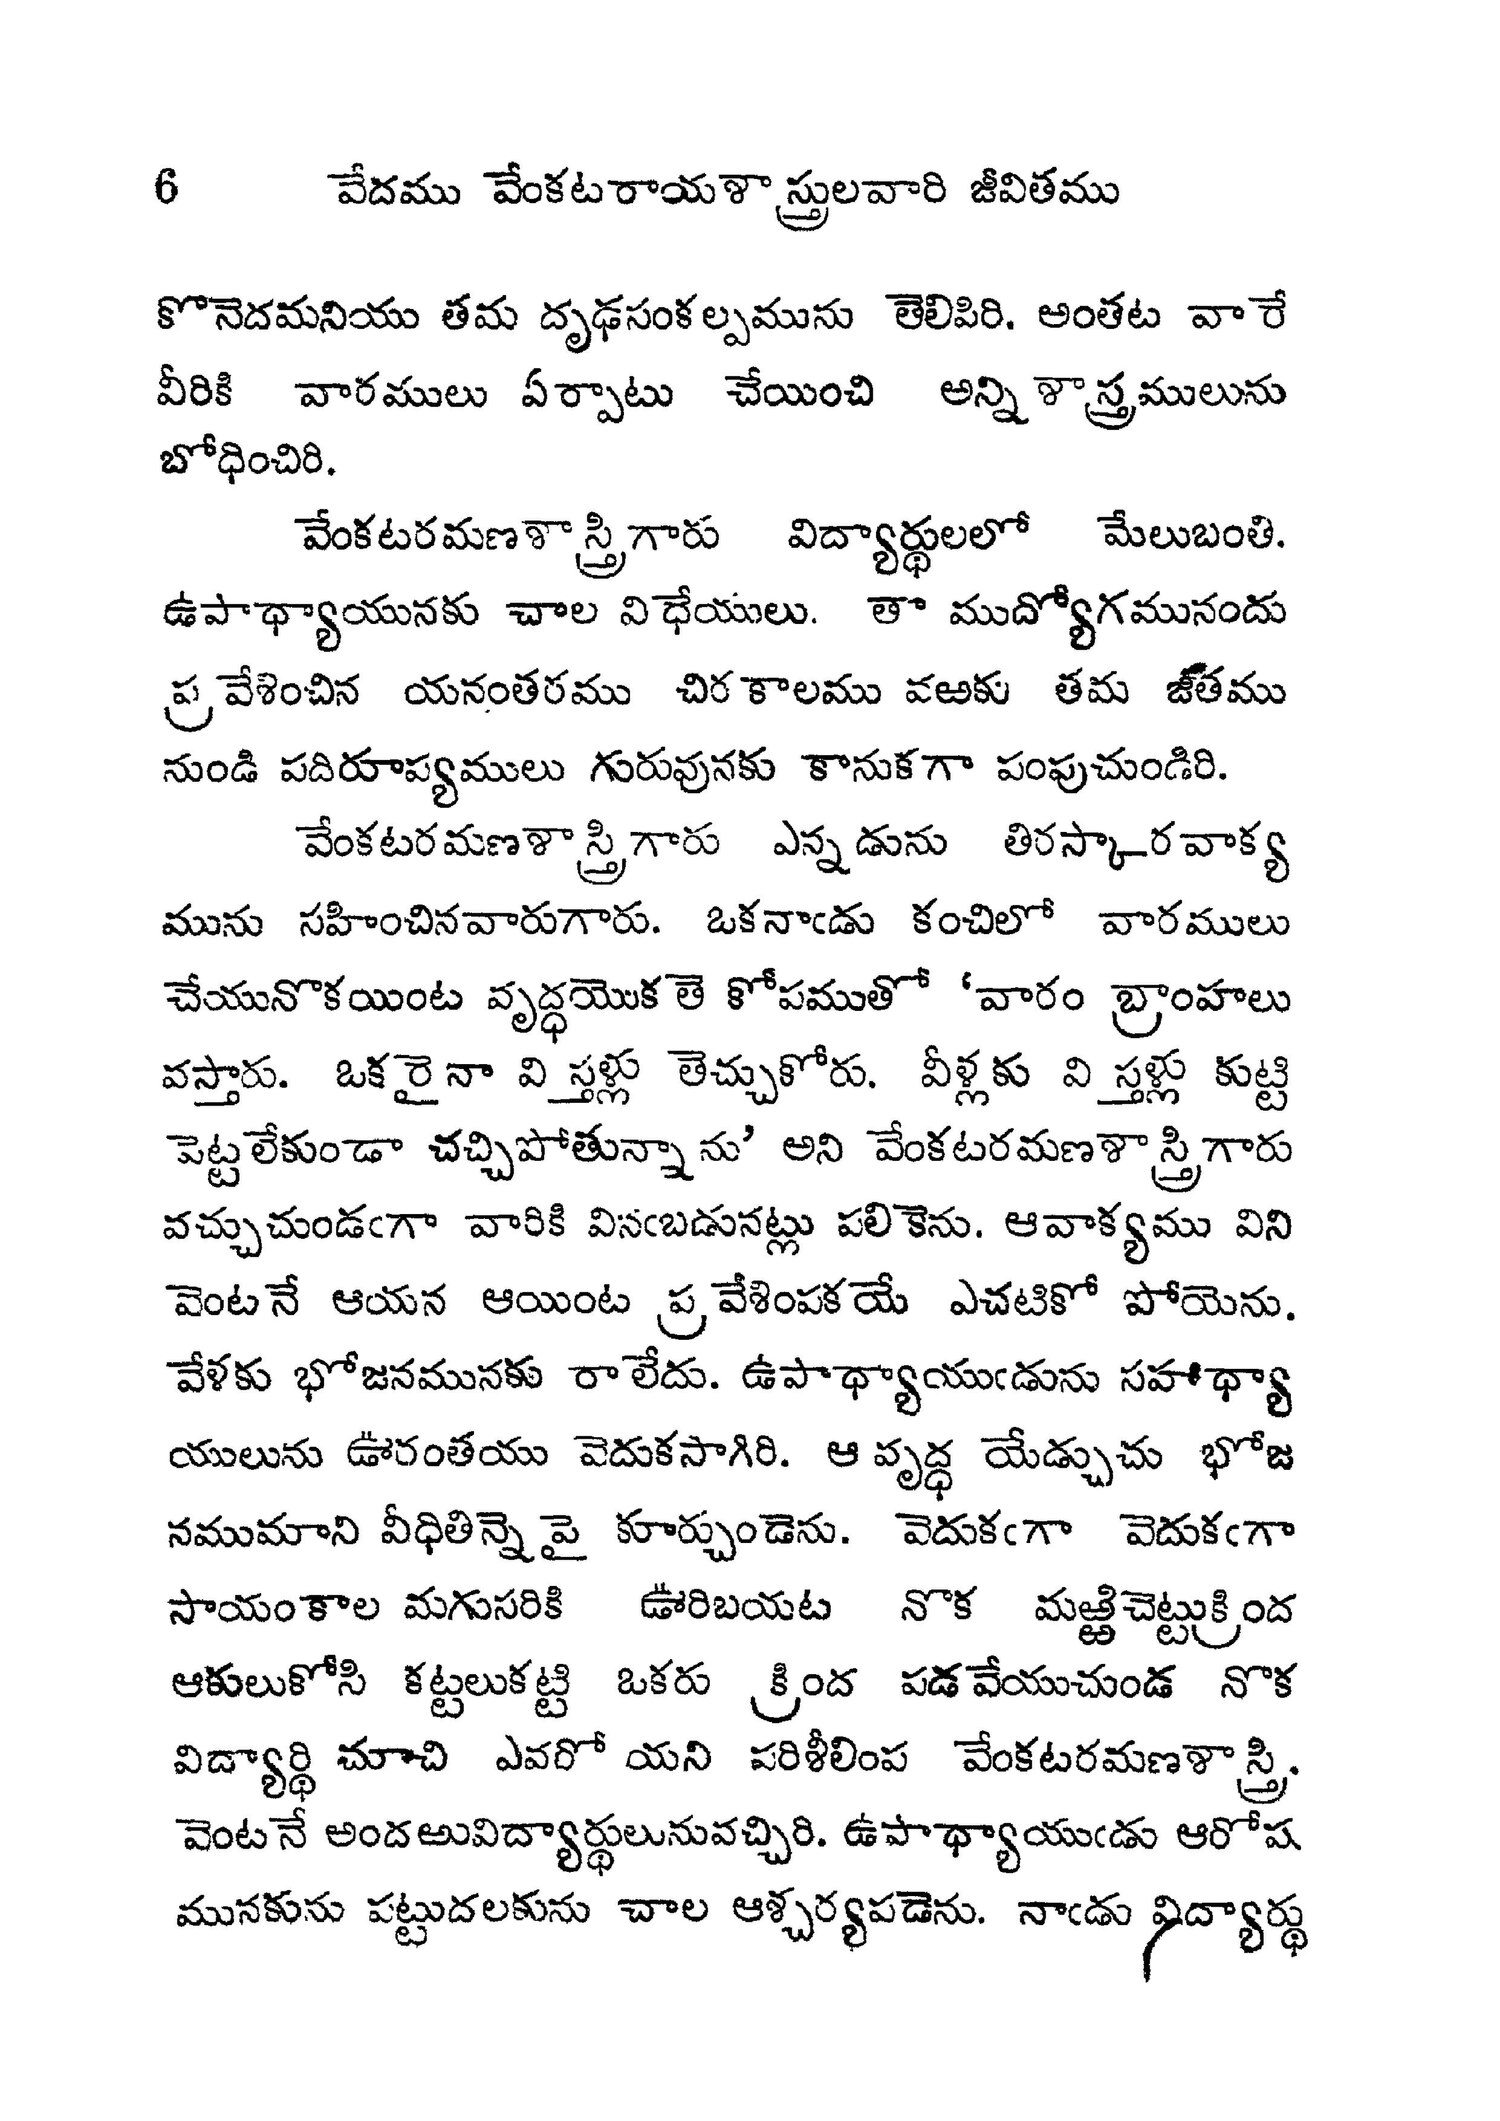కొనెదమనియు తమ దృడసంకల్పమును తెలిపిరి. అంతట వారే వీరికి వారములు ఏర్పాటు చేయించి అన్నిశాస్త్రములును బోధించిరి.

వేంకటరమణశాస్త్రిగారు విద్యార్థులలో మేలుబంతి. ఉపాథ్యాయునకు చాల విధేయులు. తా ముద్యోగమునందు ప్రవేశించిన యనంతరము చిరకాలము వఱకు తమ జీతమునుండి పదిరూప్యములు గురువునకు కానుకగా పంపుచుండిరి.

వేంకటరమణశాస్త్రిగారు ఎన్నడును తిరస్కారవాక్యమును సహించినవారుగారు. ఒకనాడు కంచిలో వారములు చేయునొకయింట వృద్ధయొకతె కోపముతో 'వారం బ్రాంహలు వస్తారు. ఒకరైనా విస్తళ్లు తెచ్చుకోరు. వీళ్లకు విస్తళ్లు కుట్టి పెట్టలేకుండా చచ్చిపోతున్నాను' అని వేంకటరమణశాస్త్రిగారు వచ్చుచుండగా వారికి వినబడునట్లు పలికెను. ఆవాక్యము విని వెంటనే ఆయన ఆయింట ప్రవేశింపకయే ఎచటికో పోయెను. వేళకు భోజనమునకు రాలేదు. ఉపాధ్యాయుడును సహాథ్యాయులును ఊరంతయు వెదుకసాగిరి. ఆవృద్ధ యేడ్చుచు భోజనముమాని వీధితిన్నెపై కూర్చుండెను. వెదుకగా వెదుకగా సాయంకాల మగుసరికి ఊరిబయట నొక మఱ్ఱిచెట్టుక్రింద ఆకులుకోసి కట్టలుకట్టి ఒకరు క్రింద పడవేయుచుండ నొక విద్యార్థి చూచి ఎవరో యని పరిశీలింప వేంకటరమణశాస్త్రి. వెంటనే అందఱువిద్యార్థులునువచ్చిరి. ఉపాథ్యాయుడు ఆరోషమునకును పట్టుదలకును చాల ఆశ్చర్యపడెను. నాడు విద్యార్థు